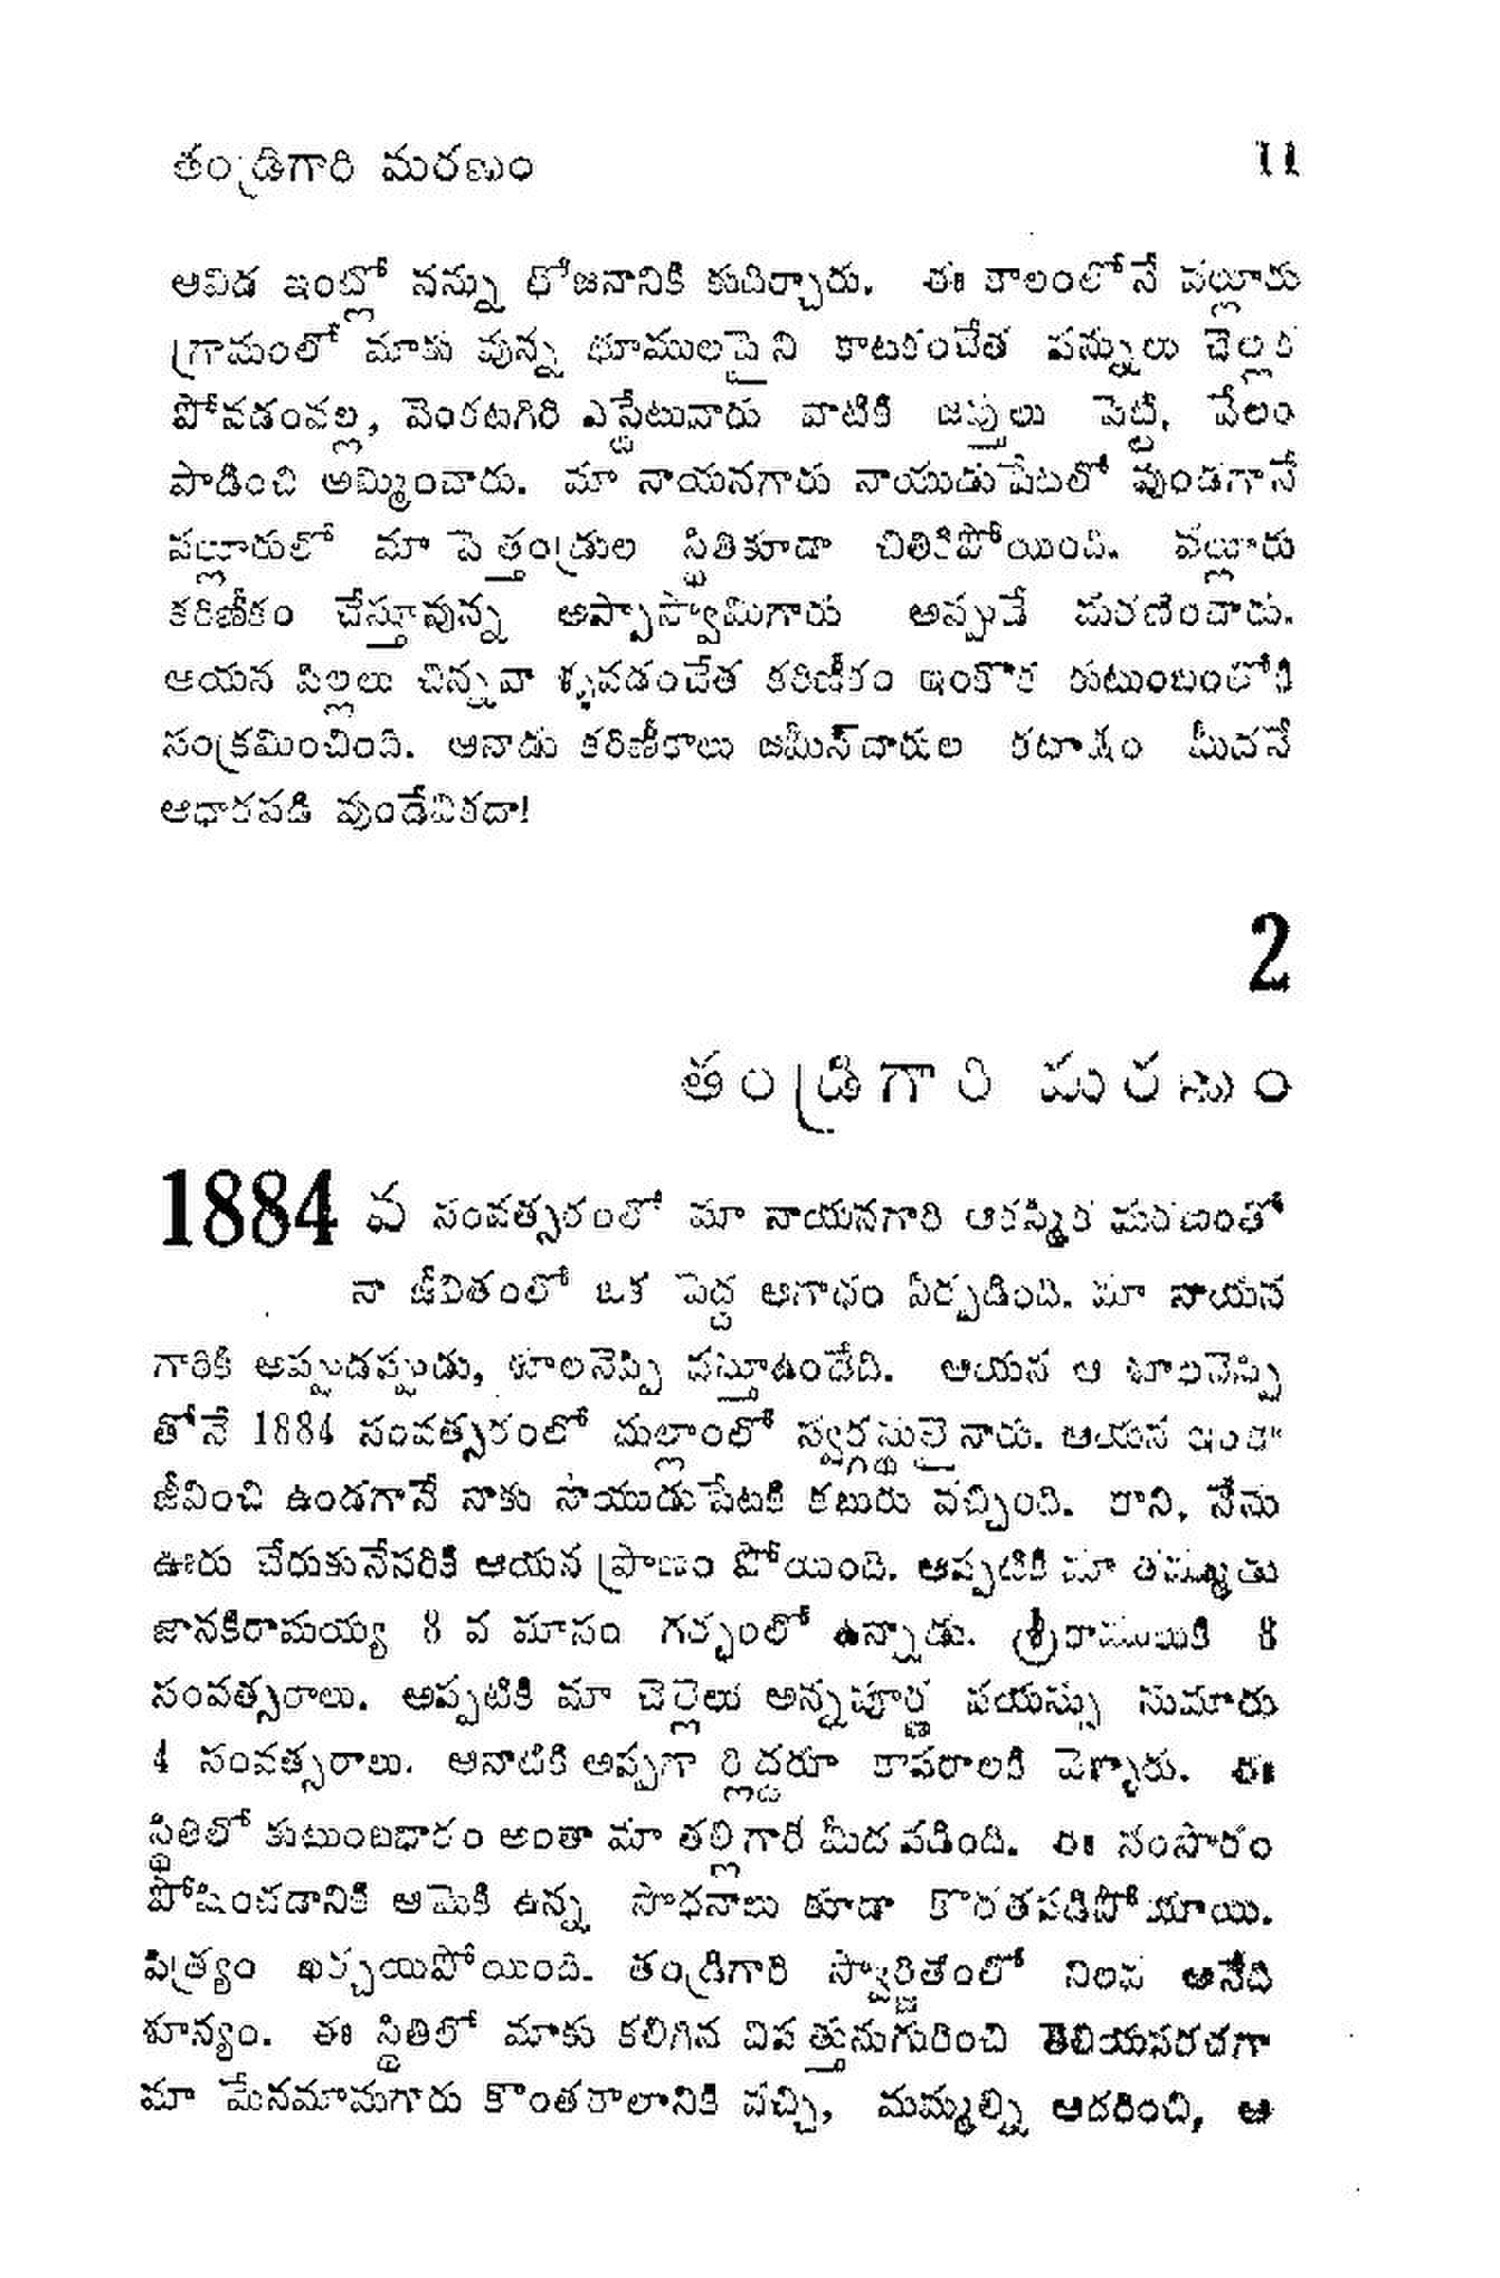ఆవిడ ఇంట్లో నన్ను భోజనానికి కుదిర్చారు. ఈ కాలంలోనే వల్లూరు గ్రామంలో మాకు వున్న భూములుపైని కాటకం చేత పన్నులు చెల్లకపోవడంవల్ల, వెంకటగిరి ఎస్టేటు వారు వాటికి జప్తులు పెట్టి, వేలం పాడించి అమ్మించారు. మా నాయనగారు నాయుడుపేటలో వుండగానే వల్లూరులో మా పెత్తండ్రులు స్థితి కూడా చితికిపోయింది. వల్లూరు కరిణీకం చేస్తూవున్న అప్పాస్వామిగారి అప్పుడే మరణించారు. ఆయన పిల్లలు చిన్నవాళ్ళవడంచేత కరిణీకం ఇంకొక కుటుంబంలోకి సంక్రమించింది. ఆనాడు కరిణీకాలు జమీన్ దారుల కటాక్షం మీదనే ఆధారపడి వుండేవికదా!

1884 వ సంవత్సరంలో మా నాయనగారి ఆకస్మిక మరణంతో నా జీవితంలో ఒక పెద్ద అగాధం ఏర్పడింది. మా నాయన గారికి అప్పుడప్పుడు శూలనెప్పి వస్సూఉండేది. ఆయన ఆ శూలనెప్పితోనే 1884 సంవత్సరంలో మల్లాంలో స్వర్గస్థులైనారు. ఆయన ఇంకా జీవించి ఉండగానే నాకు నాయుడుపేటకి కబురు వచ్చింది. కాని, నేను ఊరు చేరుకునే సరికి ఆయన ప్రాణం పోయింది. అప్పటికి మా తమ్ముడు జానకిరామయ్య 3వ మాసం గర్భంలో ఉన్నాడు. శ్రీరాములుకి 8 సంవత్సరాలు. అప్పటికి మా చెల్లెలు అన్నపూర్ణ వయసు సుమారు 4 సంవత్సరాలు. అప్పటికి అప్పగా ర్లిద్దరూ కాపరాలకి వెళ్ళారు. ఈ స్థితిలో కుటుంబభారం అంతా మా తల్లిగారి మీద పడింది. ఈ సంసారం పోషించడానికి ఆమెకి ఉన్న సాధనాలు కూడా కొరతపడిపోయాయి. పిత్ర్యం ఖర్చయిపోయింది. తండ్రిగారి స్వార్జితంలో నిలవ అనేది శూన్యం. ఈ స్థితిలో మాకు కలిగిన విపత్తునుగురించి తెలియపరచగా మా మేనమామగారు కొంతకాలానికి వచ్చి, మమ్మల్ని ఆదరించి, ఆ